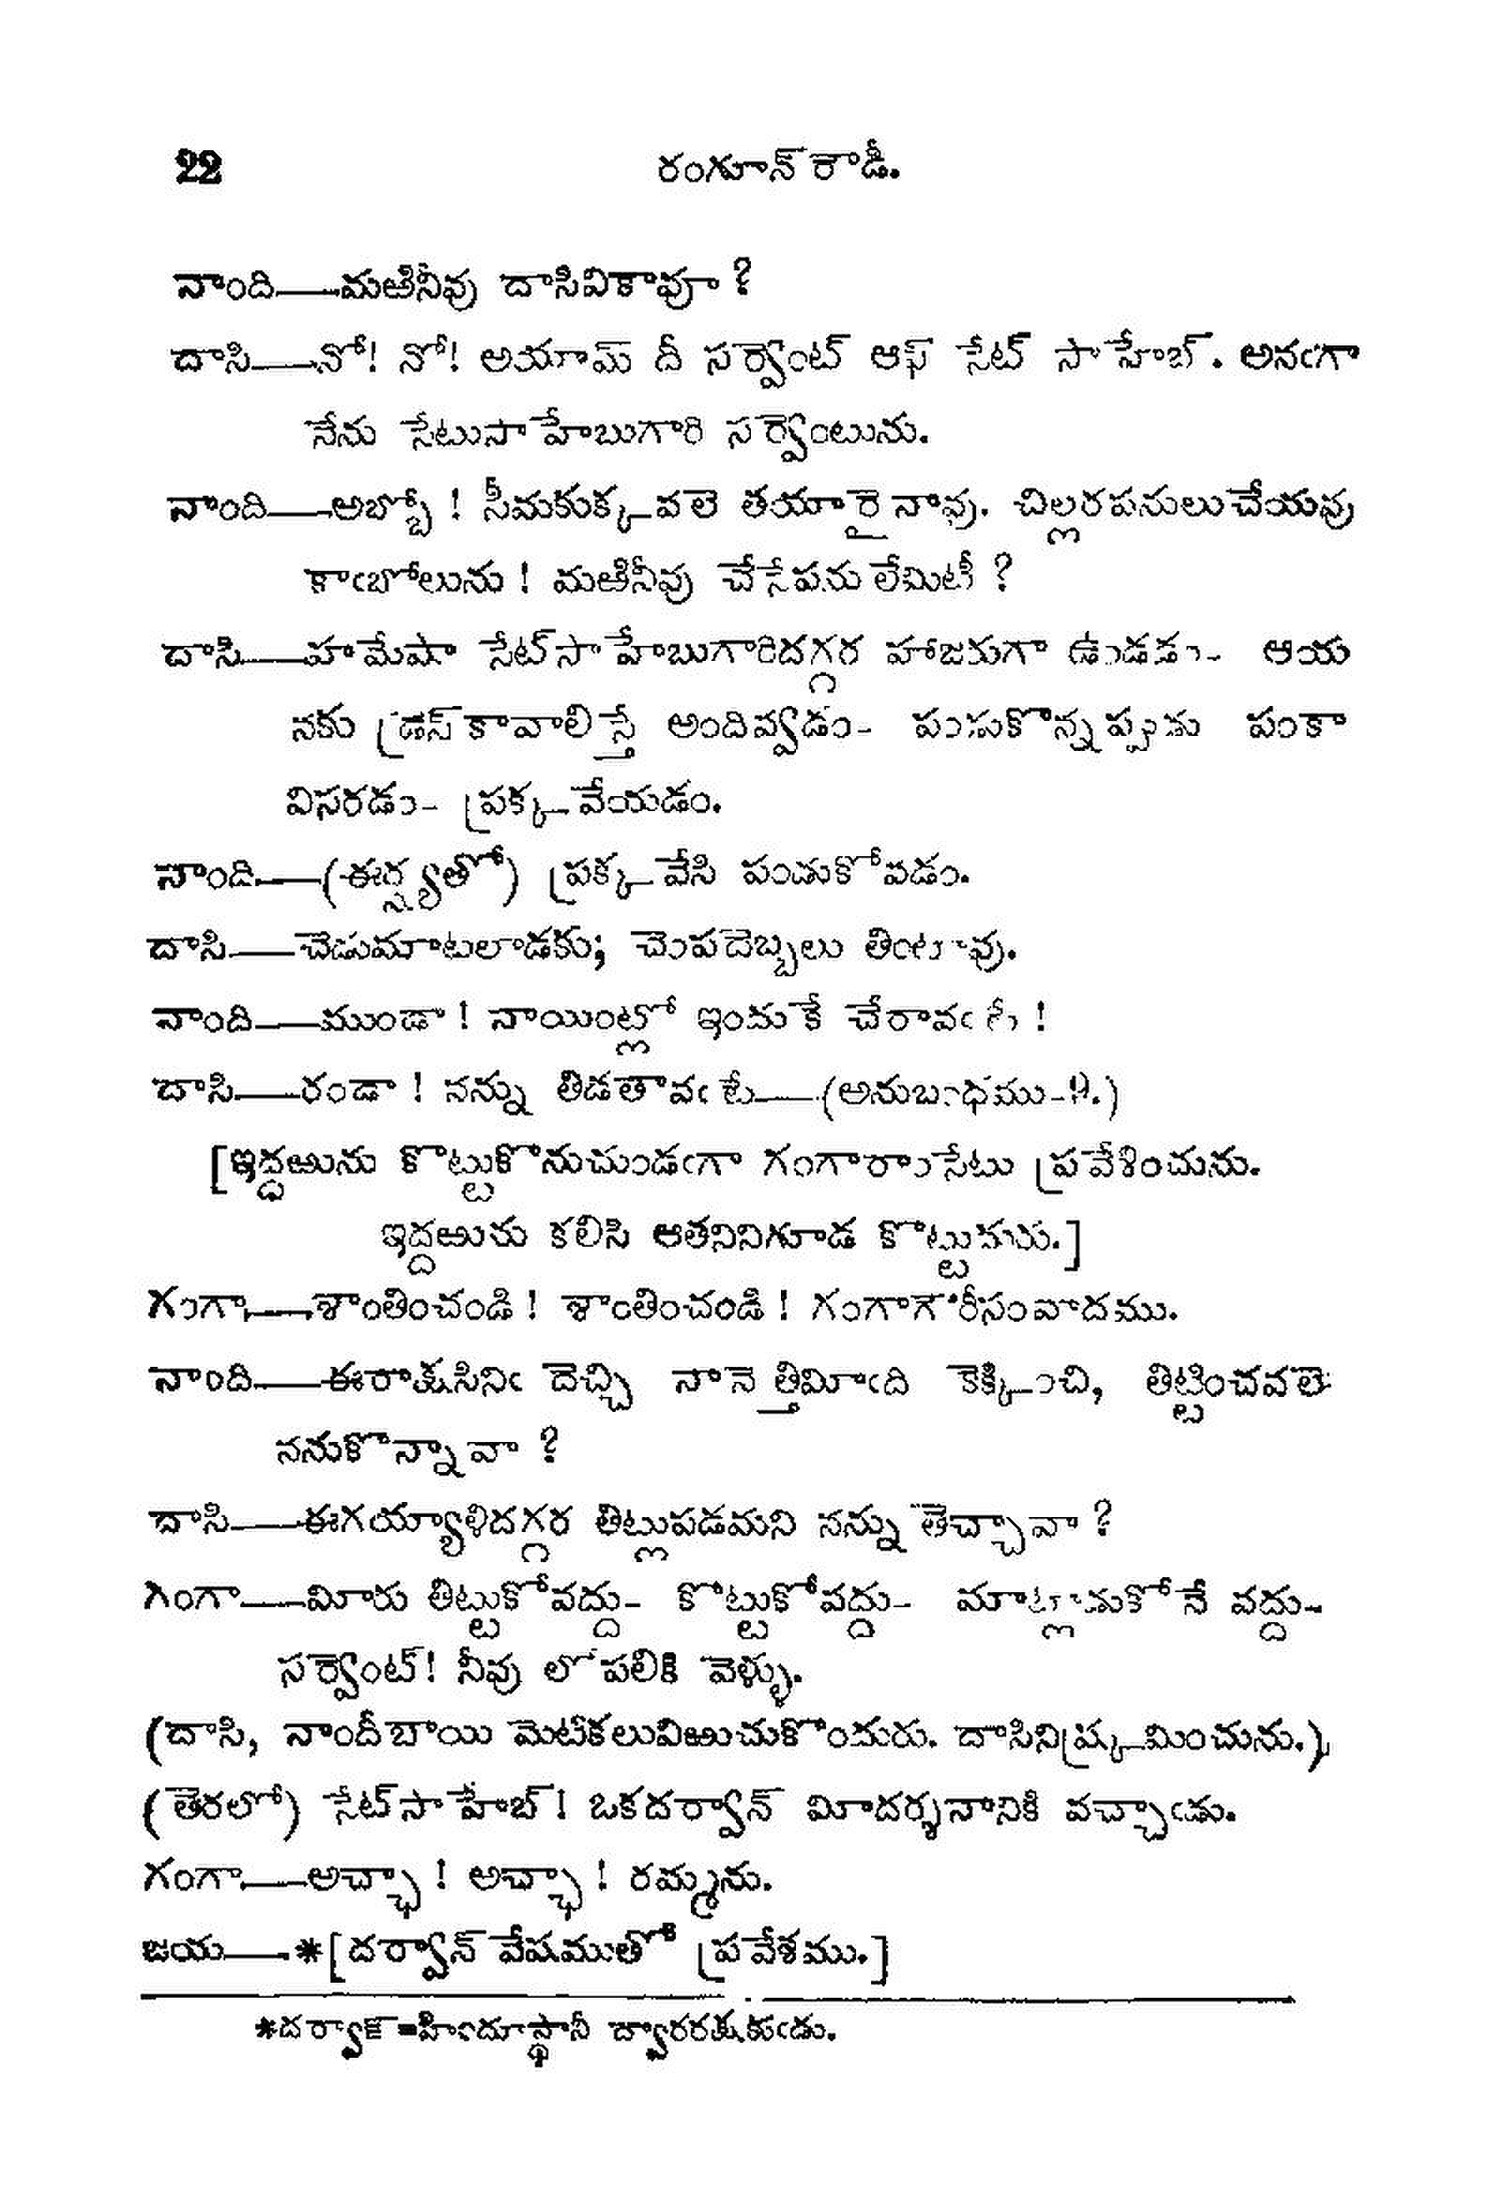నాంది - మఱినీవు దాసివికావూ?

దాసి - నో! నో! అయామ్ దీ సర్వెంట్ ఆఫ్ సేట్ సాహేబ్ . అనఁగా నేను సేటుసాహేబుగారి సర్వెంటును.

నాంది - అబ్బో ! సీమకుక్కవలె తయారైనావు. చిల్లరపనులుచేయవు కాఁబోలును! మఱినీవు చేసేపను లేమిటీ ?

దాసి - హమేషా సేట్ సాహేబుగారిదగ్గర హాజరుగా ఉండడం. ఆయనకు డ్రెస్ కావాలిస్తే అందివ్వడం. పండుకొన్నప్పుడు పంకా విసరడం - ప్రక్క. వేయడం.

నాంది – (ఈర్ష్యతో) ప్రక్క వేసి పండుకోవడం.

దాసి - చెడుమాటలాడకు; చెంపదెబ్బలు తింటావు.

నాంది - ముండా ! నాయింట్లో ఇందుకే చేరావంటే !

దాసి - రండా ! నన్ను తిడతావంటే - (అనుబంధము-9.)

గుగా - శాంతించండి ! శాంతించండి ! గంగాగౌరీసంవాదము.

నాంది - ఈ రాక్షసినిఁ దెచ్చి నానెత్తిమీఁది కెక్కించి, తిట్టించవలెననుకొన్నావా ?

దాసి - ఈగయ్యాళిదగ్గర తిట్లుపడమని నన్ను తెచ్చావా ?

గంగా - మీరు తిట్టుకోవద్దు- కొట్టుకోవద్దు- మాట్లడుకోనే వద్దు -సర్వెంట్! నీవు లోపలికి వెళ్ళు.

(తెరలో) సేట్ సా హేబ్ ! ఒకదర్వాన్ మీదర్శనానికి వచ్చాడు.

గంగా - అచ్ఛా ! అచ్ఛా ! రమ్మను.

జయ — (దర్వాన్ వేషముతో ప్రవేశము.)